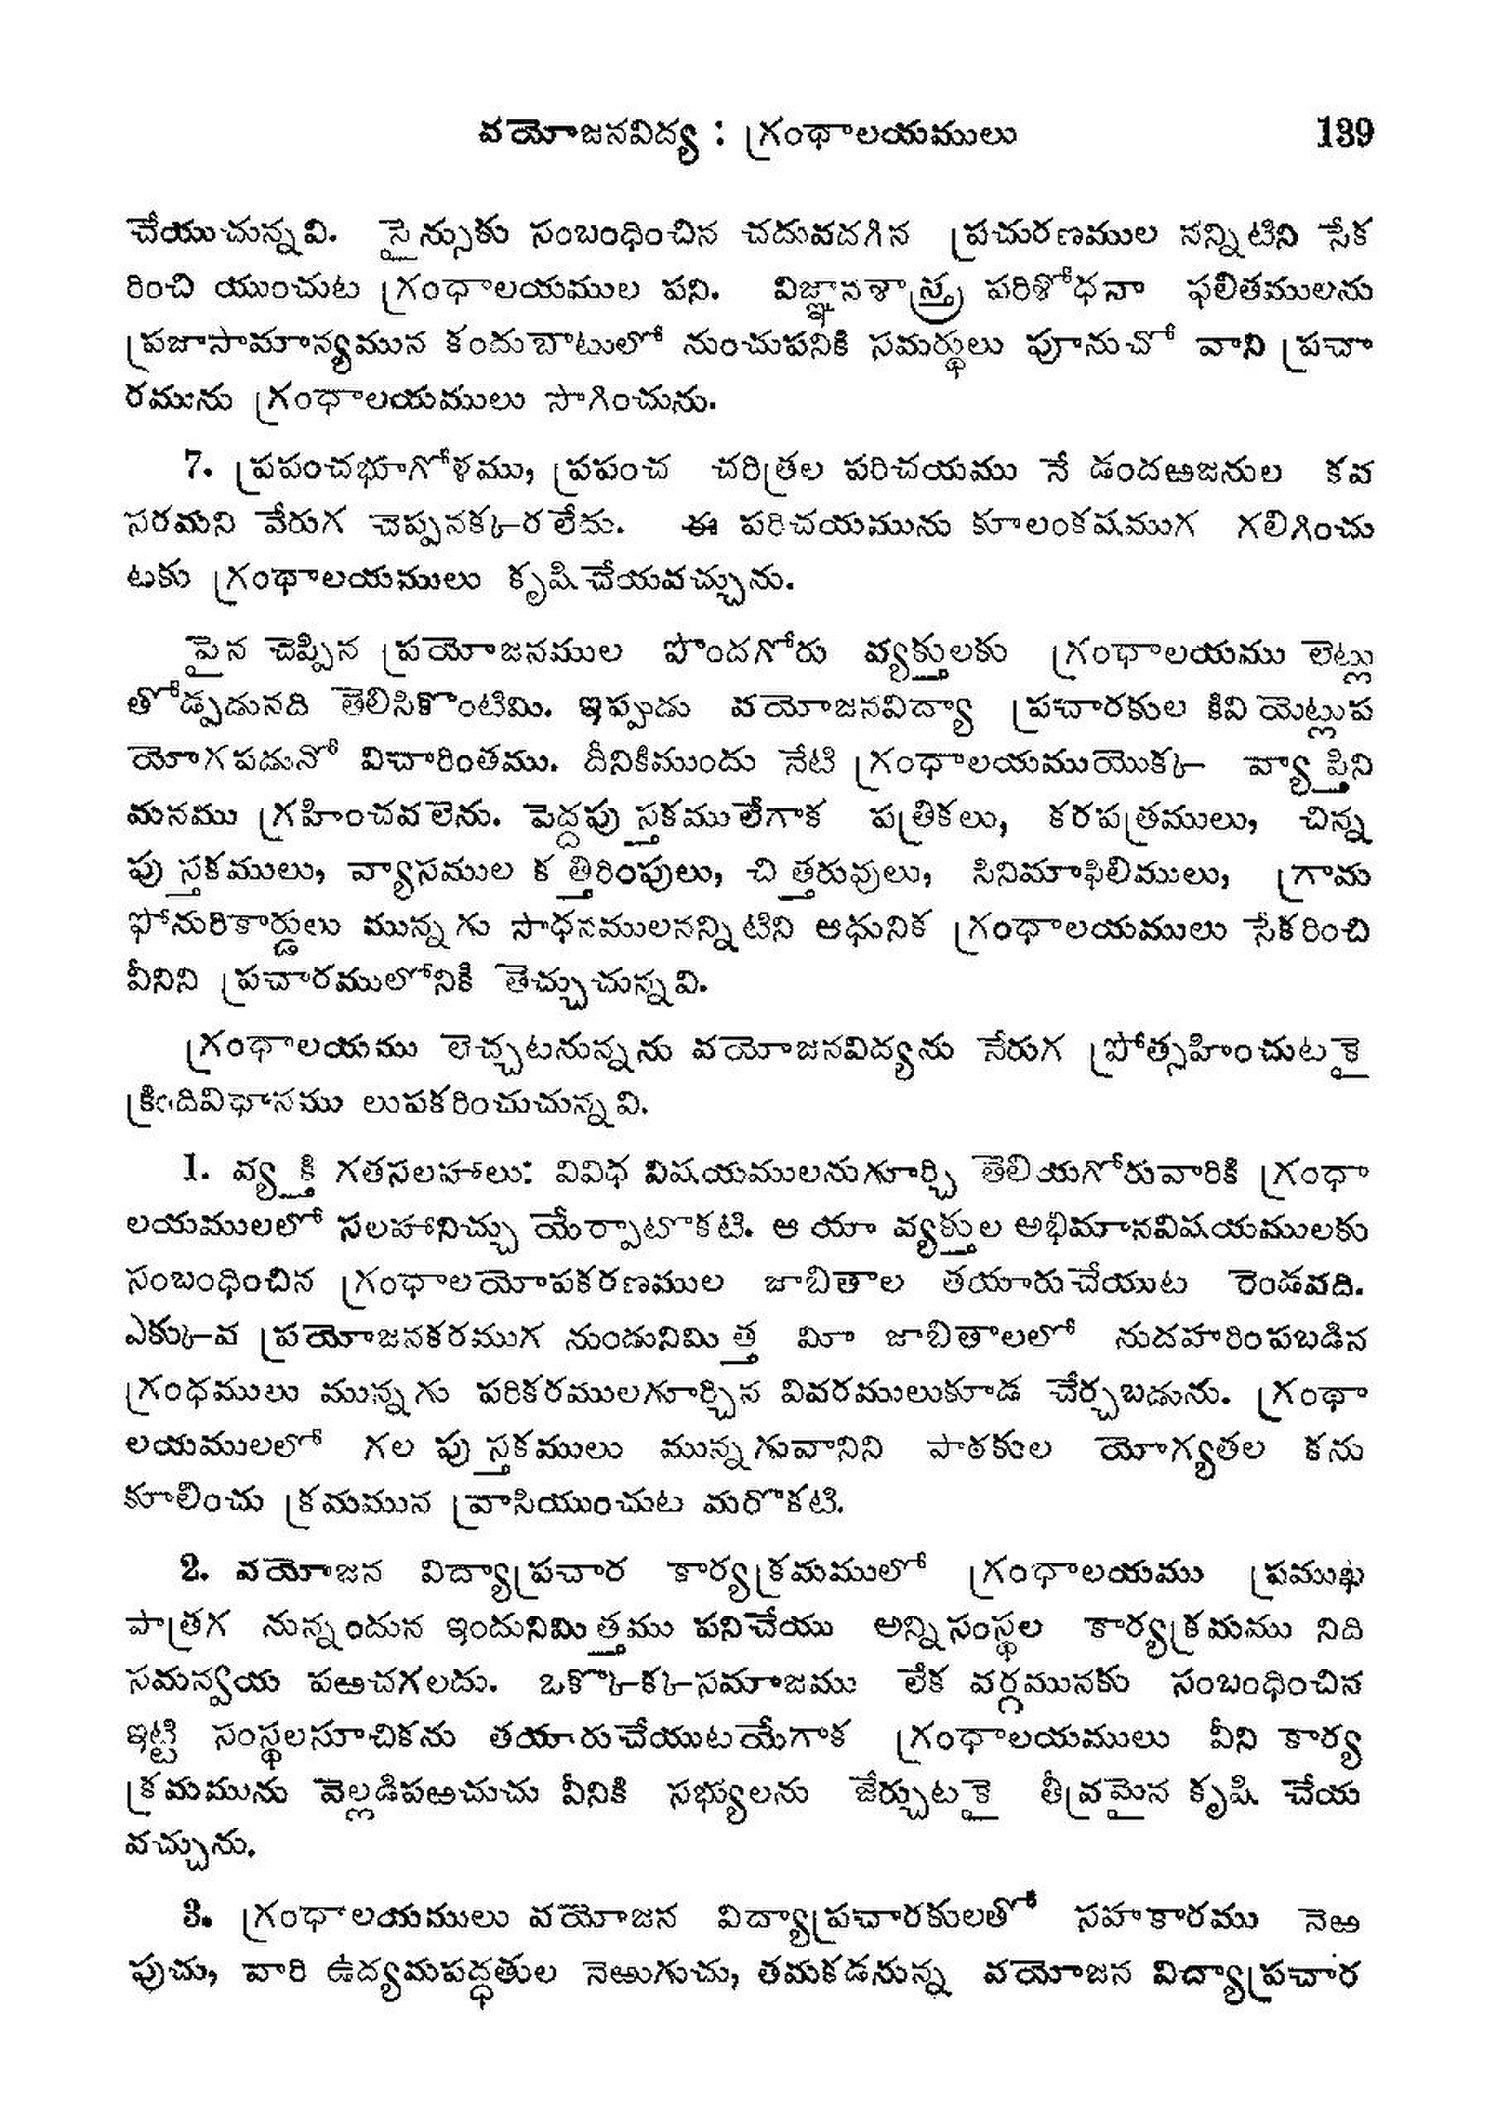చేయుచున్నవి. సైన్సుకు సంబంధించిన చదువదగిన ప్రచురణముల నన్నిటిని సేకరించి యుంచుట గ్రంధాలయముల పని. 
విజ్ఞానశాస్త్ర పరిశోధనా ఫలితములను ప్రజాసామాన్యమున కందుబాటులో నుంచుపనికి సమర్థులు పూనుచో వాని ప్రచారమును గ్రంథాలయములు సాగించును.

7. ప్రపంచ భూగోళము, ప్రపంచ చరిత్రల పరిచయము నే డందఱజనుల కవసరమని వేరుగ చెప్పనక్కరలేదు. ఈ పరిచయమును కూలంకషముగ గలిగించుటకు గ్రంథాలయములు కృషి చేయవచ్చును. 

పైన చెప్పిన ప్రయోజనములు పొందగోరు వ్యక్తులకు గ్రంధాలయము లెట్లు తోడ్పడునది తెలిసికొంటిమి. ఇప్పుడు వయోజనవిద్యా ప్రచారకులు కివి యెట్లుపయోగపడునో విచారింతము. దీనికిముందు నేటి గ్రంధాలయము యొక్క వ్యాప్తిని మనము గ్రహించవలెను. పెద్దపుస్తకములేగాక పత్రికలు, కరపత్రములు, చిన్న పుస్తకములు, వ్యాసములు కత్తిరింపులు, చిత్తరువులు, సినిమా ఫిలిములు, 
గ్రామఫోను రికార్డులు మున్నగు సాధనములనన్నిటిని ఆధునిక గ్రంథాలయములు సేకరించి వీనిని ప్రచారములోనికి తెచ్చుచున్నవి.
గ్రంథాలయము లెచ్చటనున్నను వయోజనవిద్యను నేరుగ ప్రోత్సహించుటకై క్రిందివిధానము లుపకరించుచున్నవి.

1. వ్యక్తి గతసలహాలు: వివిధ విషయములను గూర్చి తెలియగోరువారికి గ్రంధాలయములలో సలహానిచ్చు యేర్పాటొకటి. 
ఆయా వ్యక్తుల అభిమానవిషయములకు సంబంధించిన గ్రంధాలయోపకరణముల జాబితాలు తయారుచేయుట రెండవది.
ఎక్కువ ప్రయోజనకరముగ నుండునిమిత్త మీ జాబితాలలో నుదహరింపబడిన గ్రంధములు మున్నగు పరికరముల గూర్చిన
వివరములుకూడ చేర్చబడును. గ్రంథాలయములలో గల పుస్తకములు మున్నగువానిని పాఠకుల యోగ్యతల కనుకూలించు 
క్రమమున వ్రాసియుంచుట మరొకటి.

2. వయోజన విద్యాప్రచార కార్యక్రమములో గ్రంధాలయము ప్రముఖపాత్రగ నున్నందున ఇందునిమిత్తము పనిచేయు 
అన్ని సంస్థల కార్యక్రమము నిది సమన్వయ పఱచగలదు. ఒక్కొక్క సమాజము లేక వర్గమునకు సంబంధించిన
ఇట్టి సంస్థల సూచికను తయారుచేయుటయేగాక గ్రంథాలయములు వీని కార్యక్రమమును వెల్లడిపఱచుచు వీనికి 
సభ్యులను జేర్చుటకై తీవ్రమైన కృషి చేయవచ్చును.

3. గ్రంధాలయములు వయోజన విద్యాప్రచారకులతో సహకారము నెఱపుచు, వారి ఉద్యమపద్ధతుల నెఱుగుచు, 
తమకడనున్న వయోజన విద్యాప్రచార